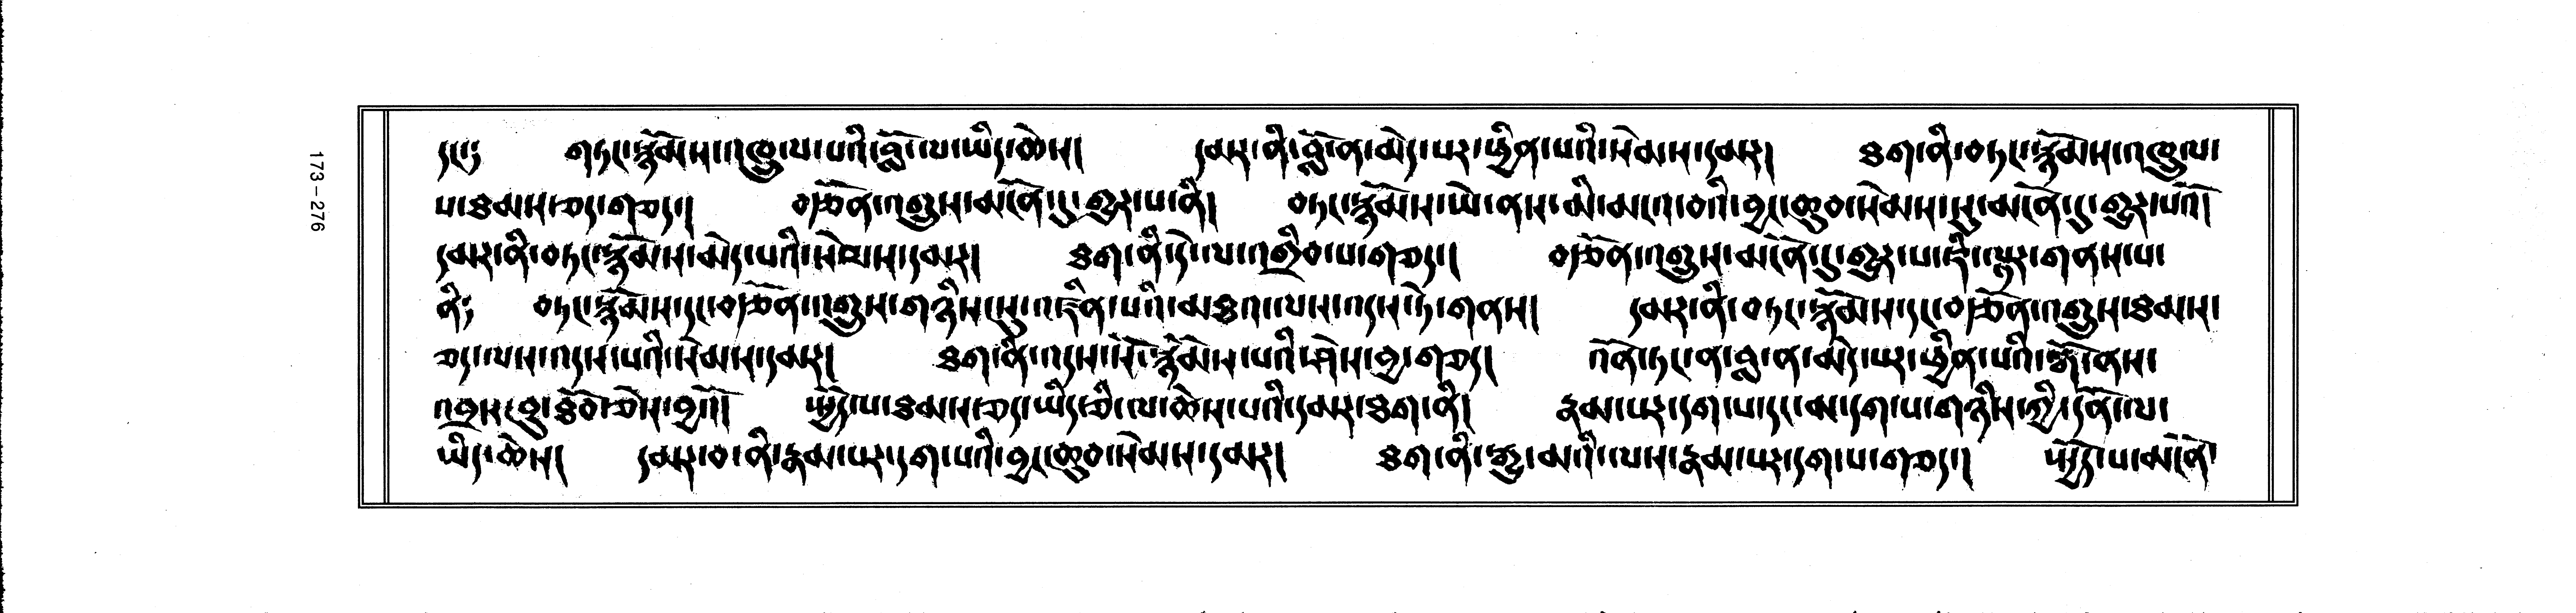དང་། བཏང་སྙོམས་འཁྲུལ་པའི་བློ་ལ་ཡིད་ཆེས། དམར་ནི་བླ་ན་མེད་པར་ཕྱིན་པའི་སེམས་དམར། ཐག་ནི་བཏང་སྙོམས་འཁྲུལ་
པ་ཐམས་ཅད་གཅད། བརྩོན་འགྲུས་མངོན་དུ་གྱུར་པ་ནི། བཏང་སྙོམས་ཡེ་ནས་མི་མངའ་བའི་བྱང་ཆུབ་སེམས་སུ་མངོན་དུ་གྱུར་པའོ། །
དམར་ནི་བཏང་སྙོམས་མེད་པའི་སེམས་དམར། ཐག་ནི་དེ་ལ་འགྲིབ་པ་གཅད། བརྩོན་འགྲུས་མངོན་དུ་གྱུར་པ་ཇི་ལྟར་གནས་པ་
ནི། བཏང་སྙོམས་དང་བརྩོན་འགྲུས་གཉིས་སུ་འཛིན་པའི་མཐའ་ལས་འདས་ཏེ་གནས། དམར་ནི་བཏང་སྙོམས་དང་བརྩོན་འགྲུས་ཐམས་
ཅད་ལས་འདས་པའི་སེམས་དམར། ཐག་ནི་འདས་སོ་སྙམ་པའི་ཤེས་བྱ་གཅད། འོན་ཏང་ན་བླ་ན་མེད་པར་ཕྱིན་པའི་སྒོ་ནས་
འབྲས་བུ་ཐོབ་ཅེས་བྱའོ། །སྤྱོད་པ་ཐམས་ཅད་ཡིད་ཅི་ལ་ཆེས་པའི་དམར་ཐག་ནི། རྣམ་པར་དག་པ་དང་མ་དག་པ་གཉིས་ཀྱི་དོན་ལ་
ཡིད་ཆེས། དམར་བ་ནི་རྣམ་པར་དག་པའི་བྱང་ཆུབ་ཀྱི་སེམས་དམར། ཐག་ནི་སྒྱུ་མའི་ལས་རྣམ་པར་དག་པ་གཅད། སྤྱོད་པ་མངོན་